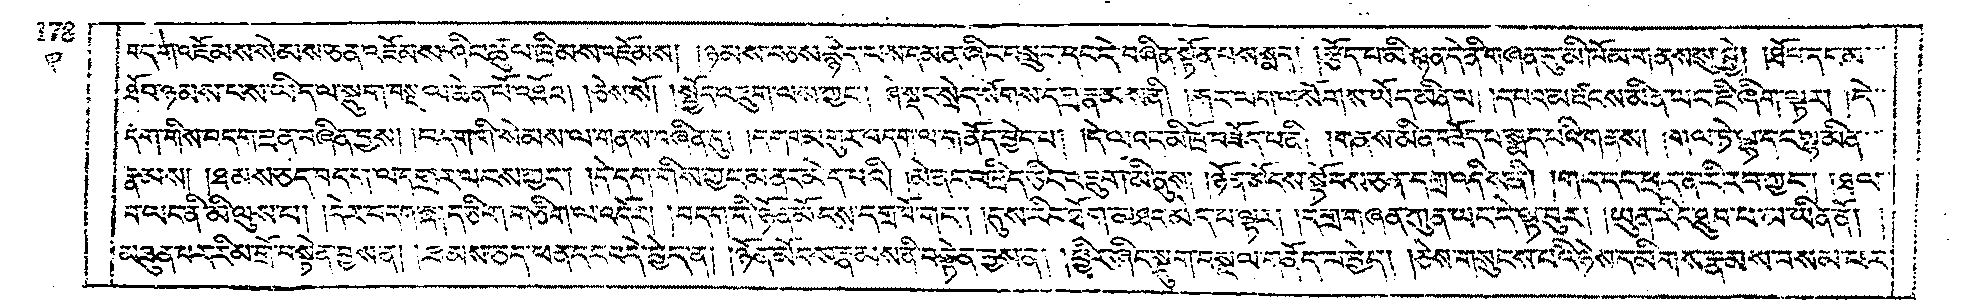བདག་འཇོམས་སེམས་ཅན་འཇོམས་ཤིང་ཚུལ་ཁྲིམས་འཇོམས། །ཉམས་བཅས་རྙེད་པས་དམན་ཞིང་བསྲུང་དང་དེ་བཞིན་སྟོན་པས་སྨད། །རྩོད་པ་མི་སྙན་དེ་ནི་གཞན་དུ་མི་ཁོམ་གནས་སུ་སྐྱེ། །ཐོབ་དང་མ་
ཐོབ་ཉམས་པས་ཡིད་ལ་སྡུག་བསྔལ་ཆེན་པོ་འཐོབ། །ཅེས་སོ། །སྤྱོད་འཇུག་ལས་ཀྱང་། ཞེ་སྡང་སྲེད་སོགས་དགྲ་རྣམས་ནི། །རྐང་ལག་ལ་སོགས་ཡོད་མིན་ལ། །དཔའ་མཛངས་མིན་ཡང་ཇི་ཞིག་ལྟར། །དེ་
དག་གིས་བདག་བྲན་བཞིན་བྱས། །བདག་གི་སེམས་ལ་གནས་བཞིན་དུ། །དགའ་མགུར་བདག་ལ་གནོད་བྱེད་པ། །དེ་ལའང་མི་ཁྲོ་བཟོད་པ་ནི། །གནས་མིན་བཟོད་པ་སྨད་པའི་གནས། །གལ་ཏེ་ལྷ་དང་ལྷ་མིན་
རྣམས། །ཐམས་ཅད་བདག་ལ་དགྲར་ལངས་ཀྱང་། །དེ་དག་གིས་ཀྱང་མནར་མེད་པའི། །མེ་ནང་འཁྲིད་ཅིང་འཇུག་མི་ནུས། །ཉོན་མོངས་སྟོབས་ཅན་དགྲ་འདིས་ནི། །གང་དང་ཕྲད་ན་རི་རབ་ཀྱང་། །ཐལ་
བ་ཡང་ནི་མི་ལུས་པ། །དེར་བདག་སྐད་ཅིག་གཅིག་ལ་འདོར། །བདག་གི་ཉོན་མོངས་དགྲ་བོ་གང་། །དུས་རིང་ཐོག་མཐའ་མེད་པ་ལྟར། །དགྲ་གཞན་ཀུན་ཡང་དེ་ལྟ་བུར། །ཡུན་རིང་ཐུབ་པ་མ་ཡིན་ནོ། །
མཐུན་པར་རིམ་གྲོ་བསྟེན་བྱས་ན། །ཐམས་ཅད་ཕན་དང་བདེ་བྱེད་ན། །ཉོན་མོངས་རྣམས་ནི་བསྟེན་བྱས་ན། །ཕྱིར་ཞིང་སྡུག་བསྔལ་གནོད་པ་བྱེད། །ཅེས་གསུངས་པའི་ཉེས་དམིགས་རྣམས་བསམ་པར་